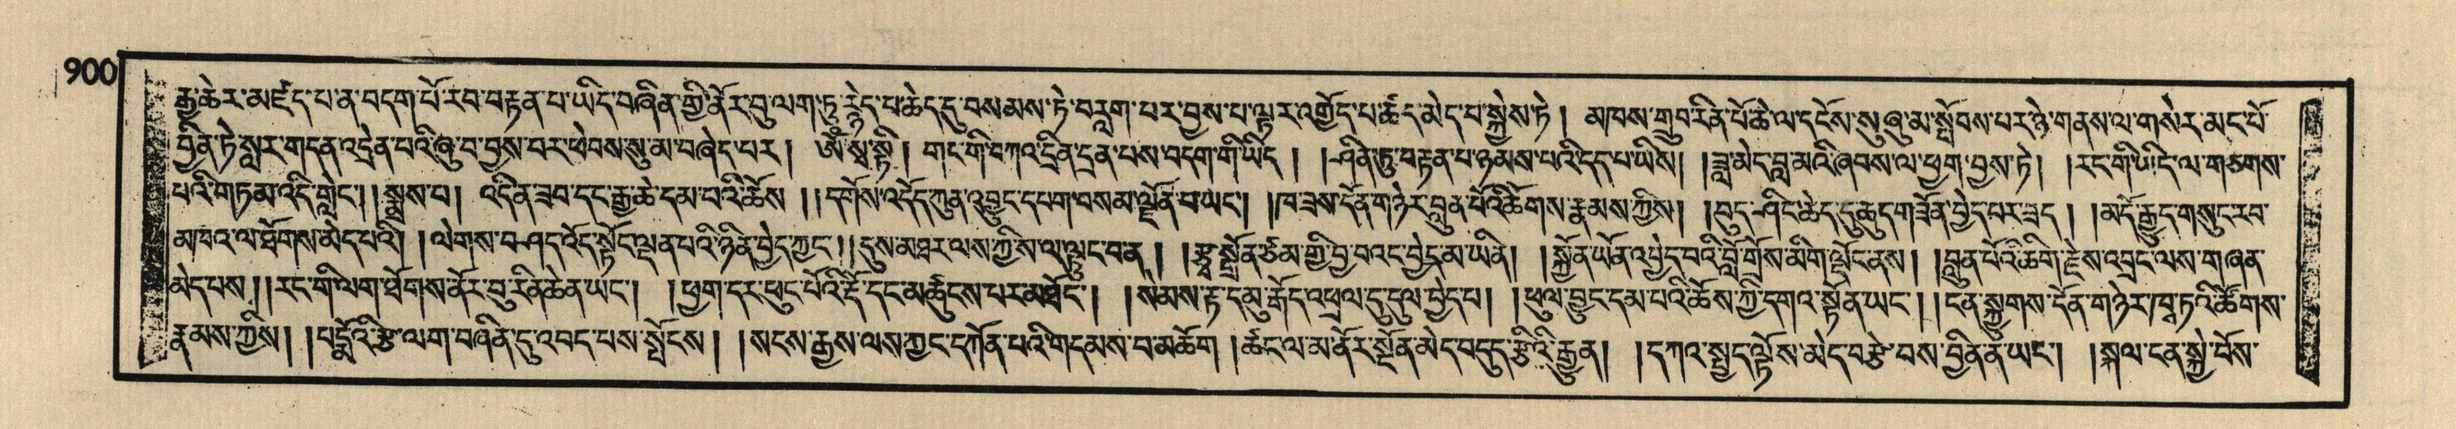རྒྱ་ཆེར་མཛད་པ་ན་བདག་པོ་རབ་བརྟན་པ་ཡིད་བཞིན་གྱི་ནོར་བུ་ལག་ཏུ་རྙེད་པ་ཆེད་དུ་བསམས་ཏེ་བརླག་པར་བྱས་པ་ལྟར་འགྱོད་པ་ཚད་མེད་པ་སྐྱེས་ཏེ། མཁས་གྲུབ་རིན་པོ་ཆེ་ལ་དངོས་སུ་ཞུ་མ་སྤོབས་པར་ཉེ་གནས་ལ་གསེར་མང་པོ་
བྱིན་ཏེ་སླར་གདན་འདྲེན་པའི་ཞུ་བ་བྱས་པར་ཕེབས་སུ་མ་བཞེད་པར། ཨོཾ་སྭ་སྟི། གང་གི་བཀའ་དྲིན་དྲན་པས་བདག་གི་ཡིད། །ཤིན་ཏུ་བརྟན་པ་ཉམས་པའི་དད་པ་ཡིས། །ཟླ་མེད་བླ་མའི་ཞབས་ལ་ཕྱག་བྱས་ཏེ། །རང་གི་ཡིད་ལ་གཅགས་
པའི་གཏམ་འདི་གླེང་། །སྨྲས་པ། འདིན་ཟབ་དང་རྒྱ་ཆེ་དམ་པའི་ཆོས་།།དགོས་འདོད་ཀུན་འབྱུང་དཔག་བསམ་ལྗོན་པ་ཡང་། །ཁ་ཟས་དོན་གཉེར་བླུན་པོའི་ཆོགས་རྣམས་ཀྱིས། །བུད་ཤིང་ཆེད་དུ་ཆུད་གཟོན་བྱེད་པར་ཟད། །མདོ་རྒྱུད་གསུང་རབ་
མཁའ་ལ་ཐོགས་མེད་པའི། །ལེགས་བཤད་འོད་སྟོང་ལྡན་པའི་ཉིན་བྱེད་ཀྱང་། །དུས་མཐར་ལས་ཀྱིས་ལ་ལྟུང་བ་ན། །རྩྭ་སྒྲོན་ཙམ་གྱི་བྱ་བའང་བྱེད་མ་ཡིན། །སྐྱོན་ཡོན་བྱེད་པའི་བློ་གྲོས་མིག་ལྡོང་ནས། །བླུན་པོའི་ཆིག་རྗེས་འབྲང་ལས་གཞན་
མེད་པས། །རང་གི་ལག་ཐོགས་ནོར་བུ་རིན་ཆེན་ཡང་། །ཕྱག་དར་ཕུང་པོའི་རྡོ་དང་མཚུངས་པར་མཐོང་། །སེམས་རྟ་དམུ་རྒོད་འཕྲལ་དུ་དུལ་བྱེད་པ། །ཕུལ་བྱུང་དམ་པའི་ཆོས་ཀྱི་དགའ་སྟོན་ཡང་། །ངན་སྐྱུགས་དོན་གཉེར་ཁྭ་ཏའི་ཚོགས་
རྣམས་ཀྱིས། །པདམོའི་རྩ་ལག་བཞིན་དུ་འབད་པས་སྤོངས། །སངས་རྒྱས་ལས་ཀྱང་དཀོན་པའི་གདམས་པ་མཆོག །ཚང་ལ་མ་ནོར་སྔོན་མེད་བདུད་རྩིའི་རྒྱུན། །དཀའ་སྤྱད་ལྟོས་མེད་བརྩེབས་བྱིན་ན་ཡང་། །སྐལ་ངན་སྐྱེ་བོས་